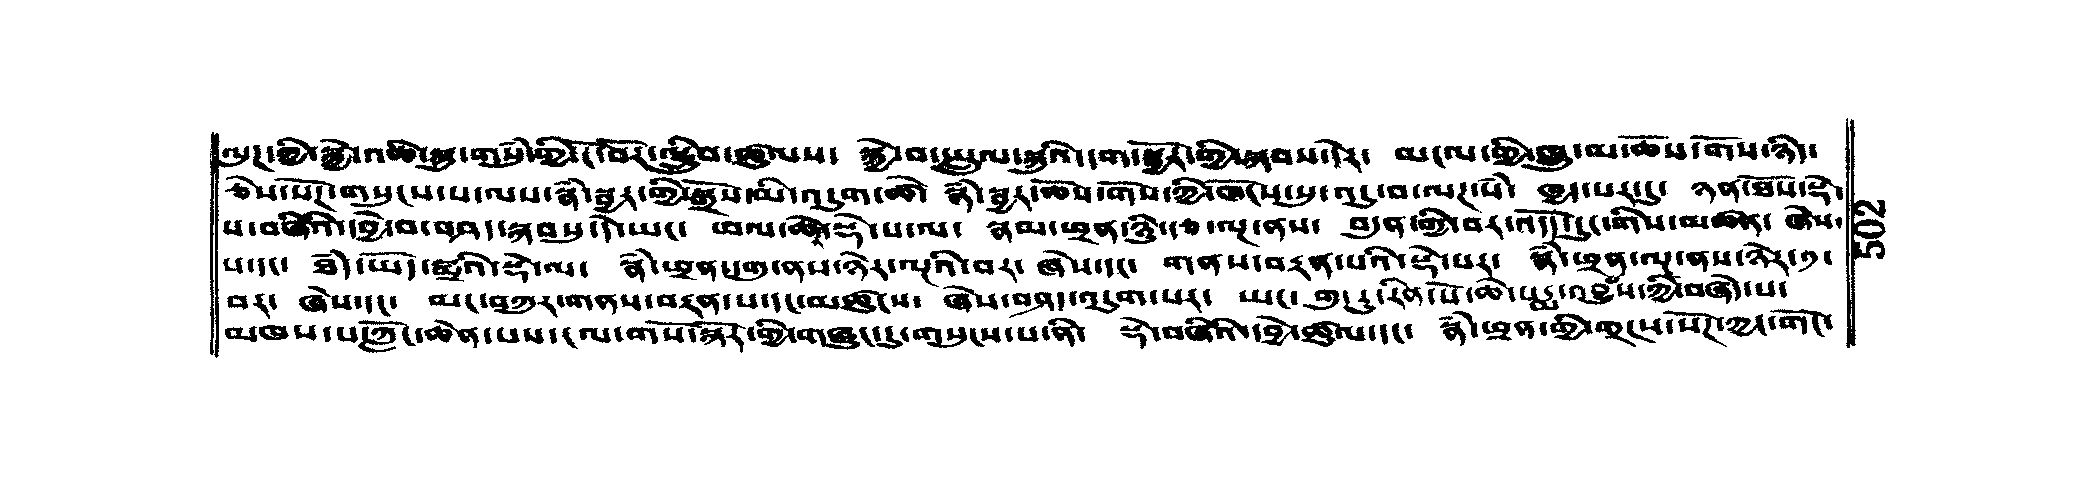ལུགས་ཀྱི་སྐྱེ་འཆི་སྐུ་གསུམ་གྱི་ངོ་བོར་ལྷུན་གྱིས་གྲུབ་ཚུལ་ལས། སྐྱེ་བ་སྤྲུལ་སྐུའི་དག་སྦྱོར་གྱི་སྐབས་དེར། མངལ་གྱི་ཁྲུ་མ་ཆོས་གོས་ཉིད་
ཅེས་སོགས་གསུངས་པ་ལས་སྣམ་སྦྱར་གྱི་སྒྲོས་མི་འདུག་ཚེ། རྣམ་སྦྱར་ཆོས་གོས་ཀྱི་ཁོངས་སུ་འདུ་བ་ལགས་སམ། ཁྱད་པར་དུ། ཉན་ཐོས་སྡེ་
པ་བཞིའི་དབྱེ་བ་བཤད་སྐབས་སུ་དེ་ཡང་། ཕལ་ཆེན་སྡེ་པ་ལ། སྣམ་ཕྲན་ཉི་ཤུ་རྩ་ལྔ་ནས། བདུན་གྱི་བར་འདོད་དུང་གིས་མཚན། ཞེས་
པ་དང་། ཐམས་ཅད་ཡོད་སྨྲའི་སྡེ་ལ། སྣམ་ཕྲན་དགུ་ནས་ཉེར་ལྔའི་བར། ཞེས་དང་། གནས་བརྟན་པའི་སྡེ་པར། སྣམ་ཕྲན་ལྔ་ནས་ཉེར་གཅིག་
བར། ཞེས་དང་། མང་བཀུར་གནས་བརྟན་པ་དང་མཚུངས། ཞེས་བཤད་འདུག་པར། ཡང་། གུ་རུ་རིན་པོ་ཆེ་པདྨ་འབྱུང་གནས་ཀྱི་བཞེད་པ་
མཁས་པ་ཀློང་ཆེན་པས་ངལ་གསོ་སྐོར་གསུམ་གྱི་གཞུང་དུ་གསུངས་པ་ནི། སྡེ་བཞིའི་དབྱེ་ཚུལ་དང་། སྣམ་ཕྲན་གྱི་གྲངས་སོགས་ཀྱང་གོང་